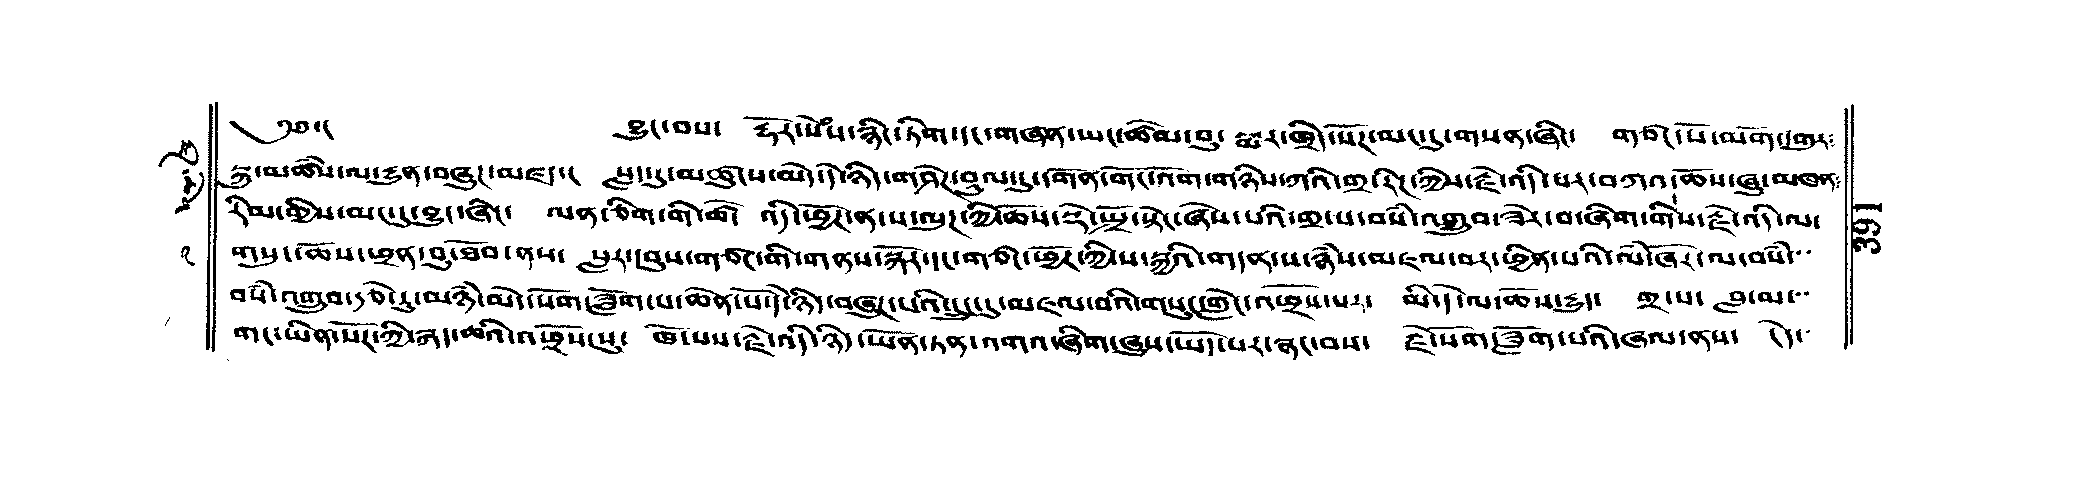བྱུང་བས། རྡོར་སེམས་སྙིང་ཏིག་དང་གཞན་ཡང་ཚེམ་བུ་སྨར་ཁྲིད་སོགས་མང་དུ་གསན་ཞིང་། གཙང་པོ་མགོ་དགུར་
སྐུ་མཚམས་ལ་རྒྱུན་བཞུགས་མཛད། སླད་དུ་མཚུངས་མེད་དེ་ཉིད་གཤེགས་ཤུལ་དུ་དགོན་གོང་འོག་གཉིས་ཀའི་གྲྭ་རིགས་ཀྱིས་རྗེ་འདི་པར་བཀའ་ཆོས་ཞུ་མཁན་
རིམ་གྱིས་མང་དུ་བྱུང་ཞིང་། ལན་ཞིག་གི་ཚེ། འདི་ཕྱོགས་ན་ས་ལུགས་ཀྱི་ཆོས་སྡེ་སྤྲོ་སྟེང་ཞེས་པའི་གྲྭ་པ་བསམ་འགྲུབ་ཟེར་བ་ཞིག་གིས་རྗེ་འདི་ལ་
གསུང་ཆོས་ཕྲན་བུ་ཐོབ་ནས། སླར་དབུས་གཙང་གི་གནས་སྐོར་དང་གཙང་ཕྱོགས་ཀྱི་ས་སྐྱའི་གདན་ས་རྣམས་མཇལ་བར་ཕྱིན་པའི་ལམ་ཞོར་ལ་བསམ་
འགྲུབ་རྩེ་རུ་མཉམ་མེད་སོག་ཟློག་པ་ཆེན་པོ་དེ་ཉིད་བཞུགས་པའི་དྲུང་དུ་མཇལ་བའི་གསུང་གླེང་འཕྲོས་པར། མི་དེ་ལ་ཆོས་རྒྱུད། གྲྭ་ས། བླ་མ་
གང་ཡིན་སོགས་ཀྱི་སྐད་ཆའི་འཕྲོས་སུ། ཁོ་པས་རྗེ་འདི་ཉིད་ཡོན་ཏན་འགའ་ཞིག་ཞུས་ཡོད་པར་སྣང་བས། རྗེ་སོག་ཟློག་པའི་ཞལ་ནས། ངེད་